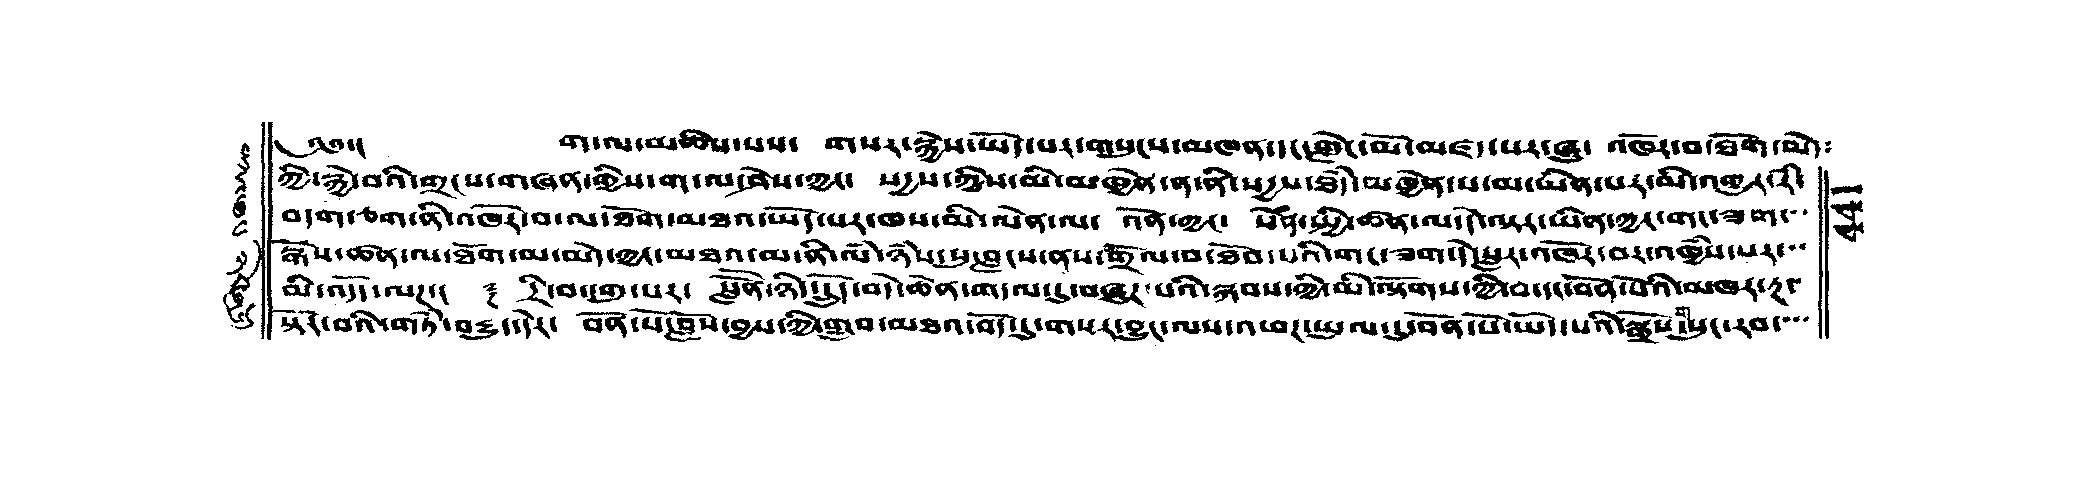ག་ལ་མཆིས་པས། གསར་སྐྱེས་ཡོད་པར་གསུང་མཁན་དང་གླེང་མོ་མཛད་པར་ཞུ། འཁོར་བ་ཐོག་མེད་
ཀྱི་སྐྱེ་བའི་གྲངས་གཞན་གྱིས་ག་ལ་ཤེས་ཀྱང་། སངས་རྒྱས་ཀྱིས་མི་མཁྱེན་ན་ནི་སངས་རྒྱས་ཐམས་ཅད་མཁྱེན་པ་མ་ཡིན་པར་མི་འགྱུར་རམ།
བདག་ཅག་ནི་འཁོར་བ་ལ་ཐོག་མཐའ་ཡོད་པར་ཁས་མི་ལེན་ལ། འོན་ཀྱང་། སེམས་ཅན་སྤྱི་ཚན་ལ་དེ་ལྟར་ཡིན་ཀྱང་གང་ཟག་
སྒོས་ཚན་ལ་ཐོག་མ་མེད་ཀྱང་མཐའ་མ་ནི་ལམ་ཉམས་སུ་བླངས་ནས་གྲོལ་བ་ཐོབ་པའི་གང་ཟག་དེ་སླར་འཁོར་བར་འཁྱམས་པར་
མི་འདོད་པ་ལགས། ༈ དྲི་བ་དགུ་པར། སློབ་དཔོན་ཉིད་དུར་ཁྲོད་བདེ་ཆེན་གདལ་དུ་བཞུགས་པའི་སྐབས་ཀྱི་མི་ལྟོགས་ཀྱི་བ་དང་བོན་པོའི་མཁར་རྔ་
སྟོར་བའི་གཏམ་བརྒྱུད་དེར། བོན་པོ་བློས་བྱས་ཀྱི་གྲུབ་མཐའ་བོད་དུ་གསར་བྱུང་ལས་འཕགས་ཡུལ་དུ་བོན་པོ་ཡོད་པའི་སྒྲོས་གསུང་རབ་